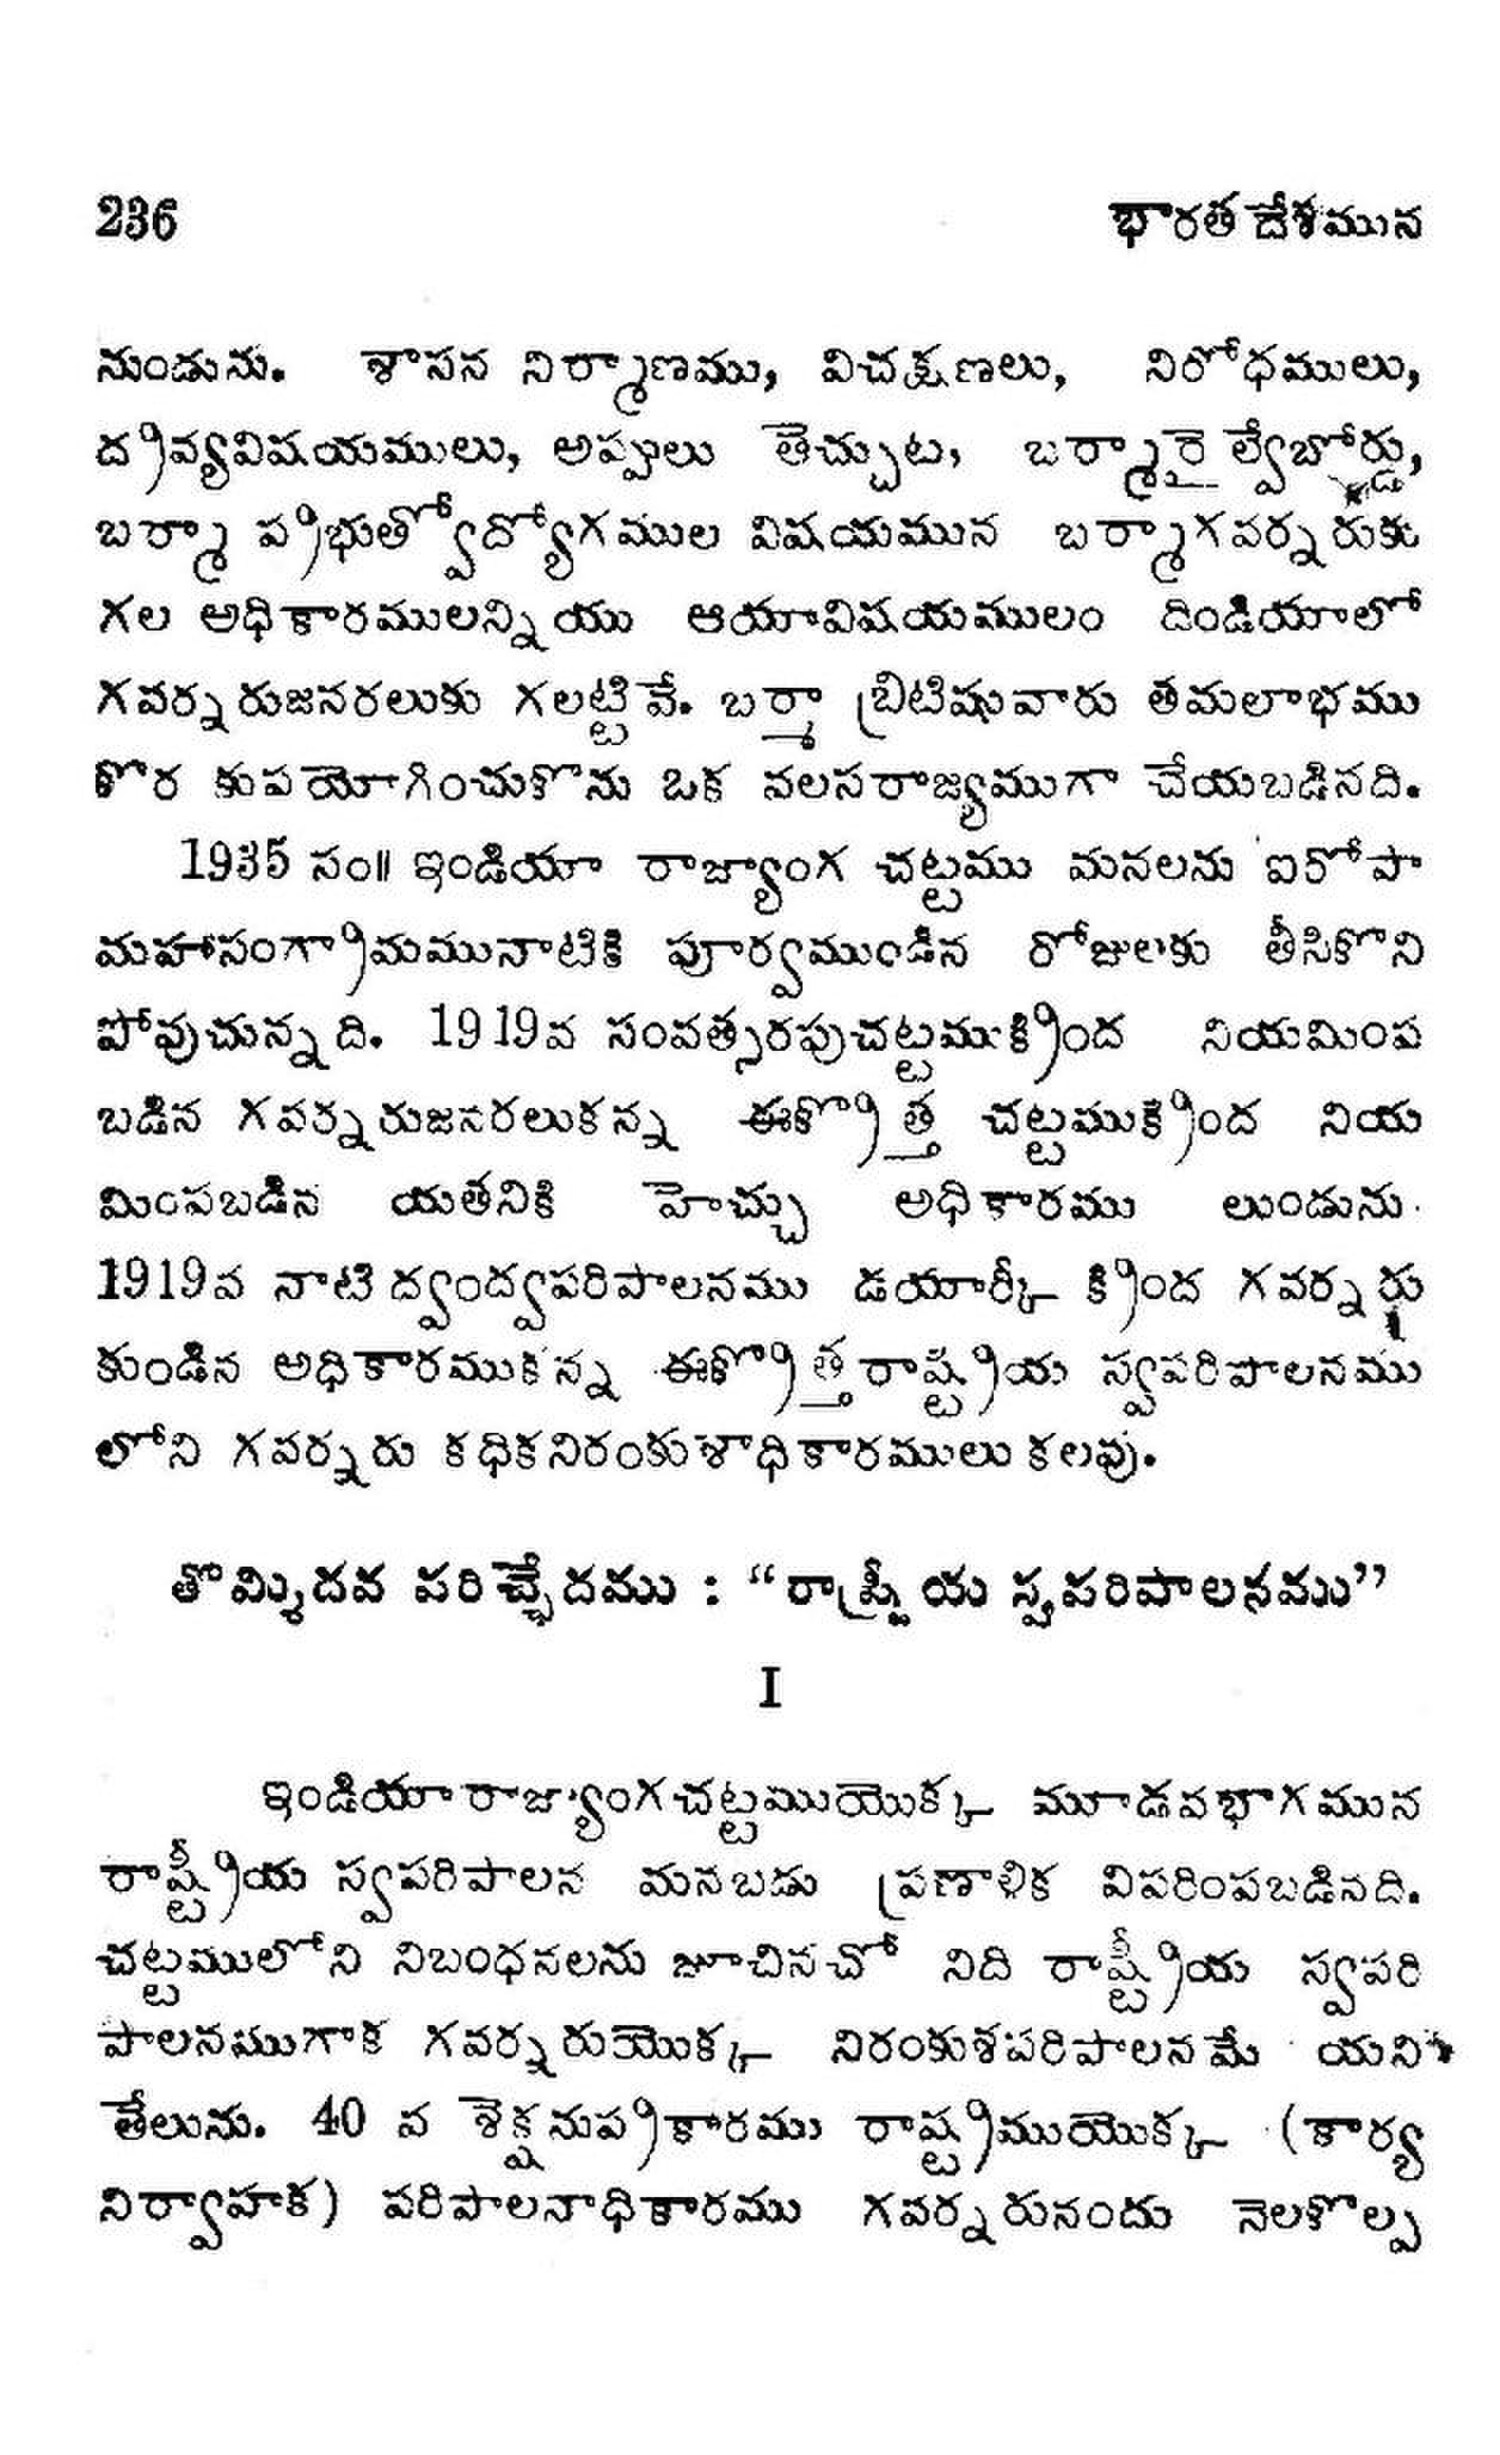నుండును. శాసన నిర్మాణము, విచక్షణలు, నిరోధములు, ద్రవ్యవిషయములు, అప్పులు తెచ్చుట, బర్మారైల్వేబోర్డు, బర్మా ప్రభుత్వోద్యోగముల విషయమున బర్మాగవర్నరుకు గల అధికారములన్నియు ఆయావిషయములం డిండియాలో గవర్నరుజనరలుకు గలట్టివే. బర్మా బ్రిటిషువారు తమలాభము కొర కుపయోగించుకొను ఒక వలసరాజ్యముగా చేయబడినది.

1935 సం॥ ఇండియా రాజ్యాంగ చట్టము మనలను ఐరోపా మహాసంగ్రామమునాటికి పూర్వముండిన రోజులకు తీసికొని పోవుచున్నది. 1919వ సంవత్సరపుచట్టముక్రింద నియమింపబడిన గవర్నరుజనరలుకన్న ఈక్రొత్త చట్టముక్రింద నియమింపబడిన యతనికి హెచ్చు అధికారము లుండును. 1919వ నాటి ద్వంద్వపరిపాలనము డయార్కీ క్రింద గవర్నరుకుండిన అధికారముకన్న ఈక్రొత్తరాష్ట్రీయ స్వపరిపాలనములోని గవర్నరు కధికనిరంకుశాధికారములు కలవు.

తొమ్మిదవ పరిచ్ఛేదము : “రాష్ట్రీయ స్వపరిపాలనము”
I

ఇండియారాజ్యాంగచట్టముయొక్క మూడవభాగమున రాష్ట్రీయ స్వపరిపాలన మనబడు ప్రణాళిక విపరింపబడినది. చట్టములోని నిబంధనలను జూచినచో నిది రాష్ట్రీయ స్వపరిపాలనముగాక గవర్నరుయొక్క నిరంకుశపరిపాలనమే యని తేలును. 40 వ శెక్షనుప్రకారము రాష్ట్రముయొక్క (కార్య నిర్వాహక) పరిపాలనాధికారము గవర్నరునందు నెలకొల్ప